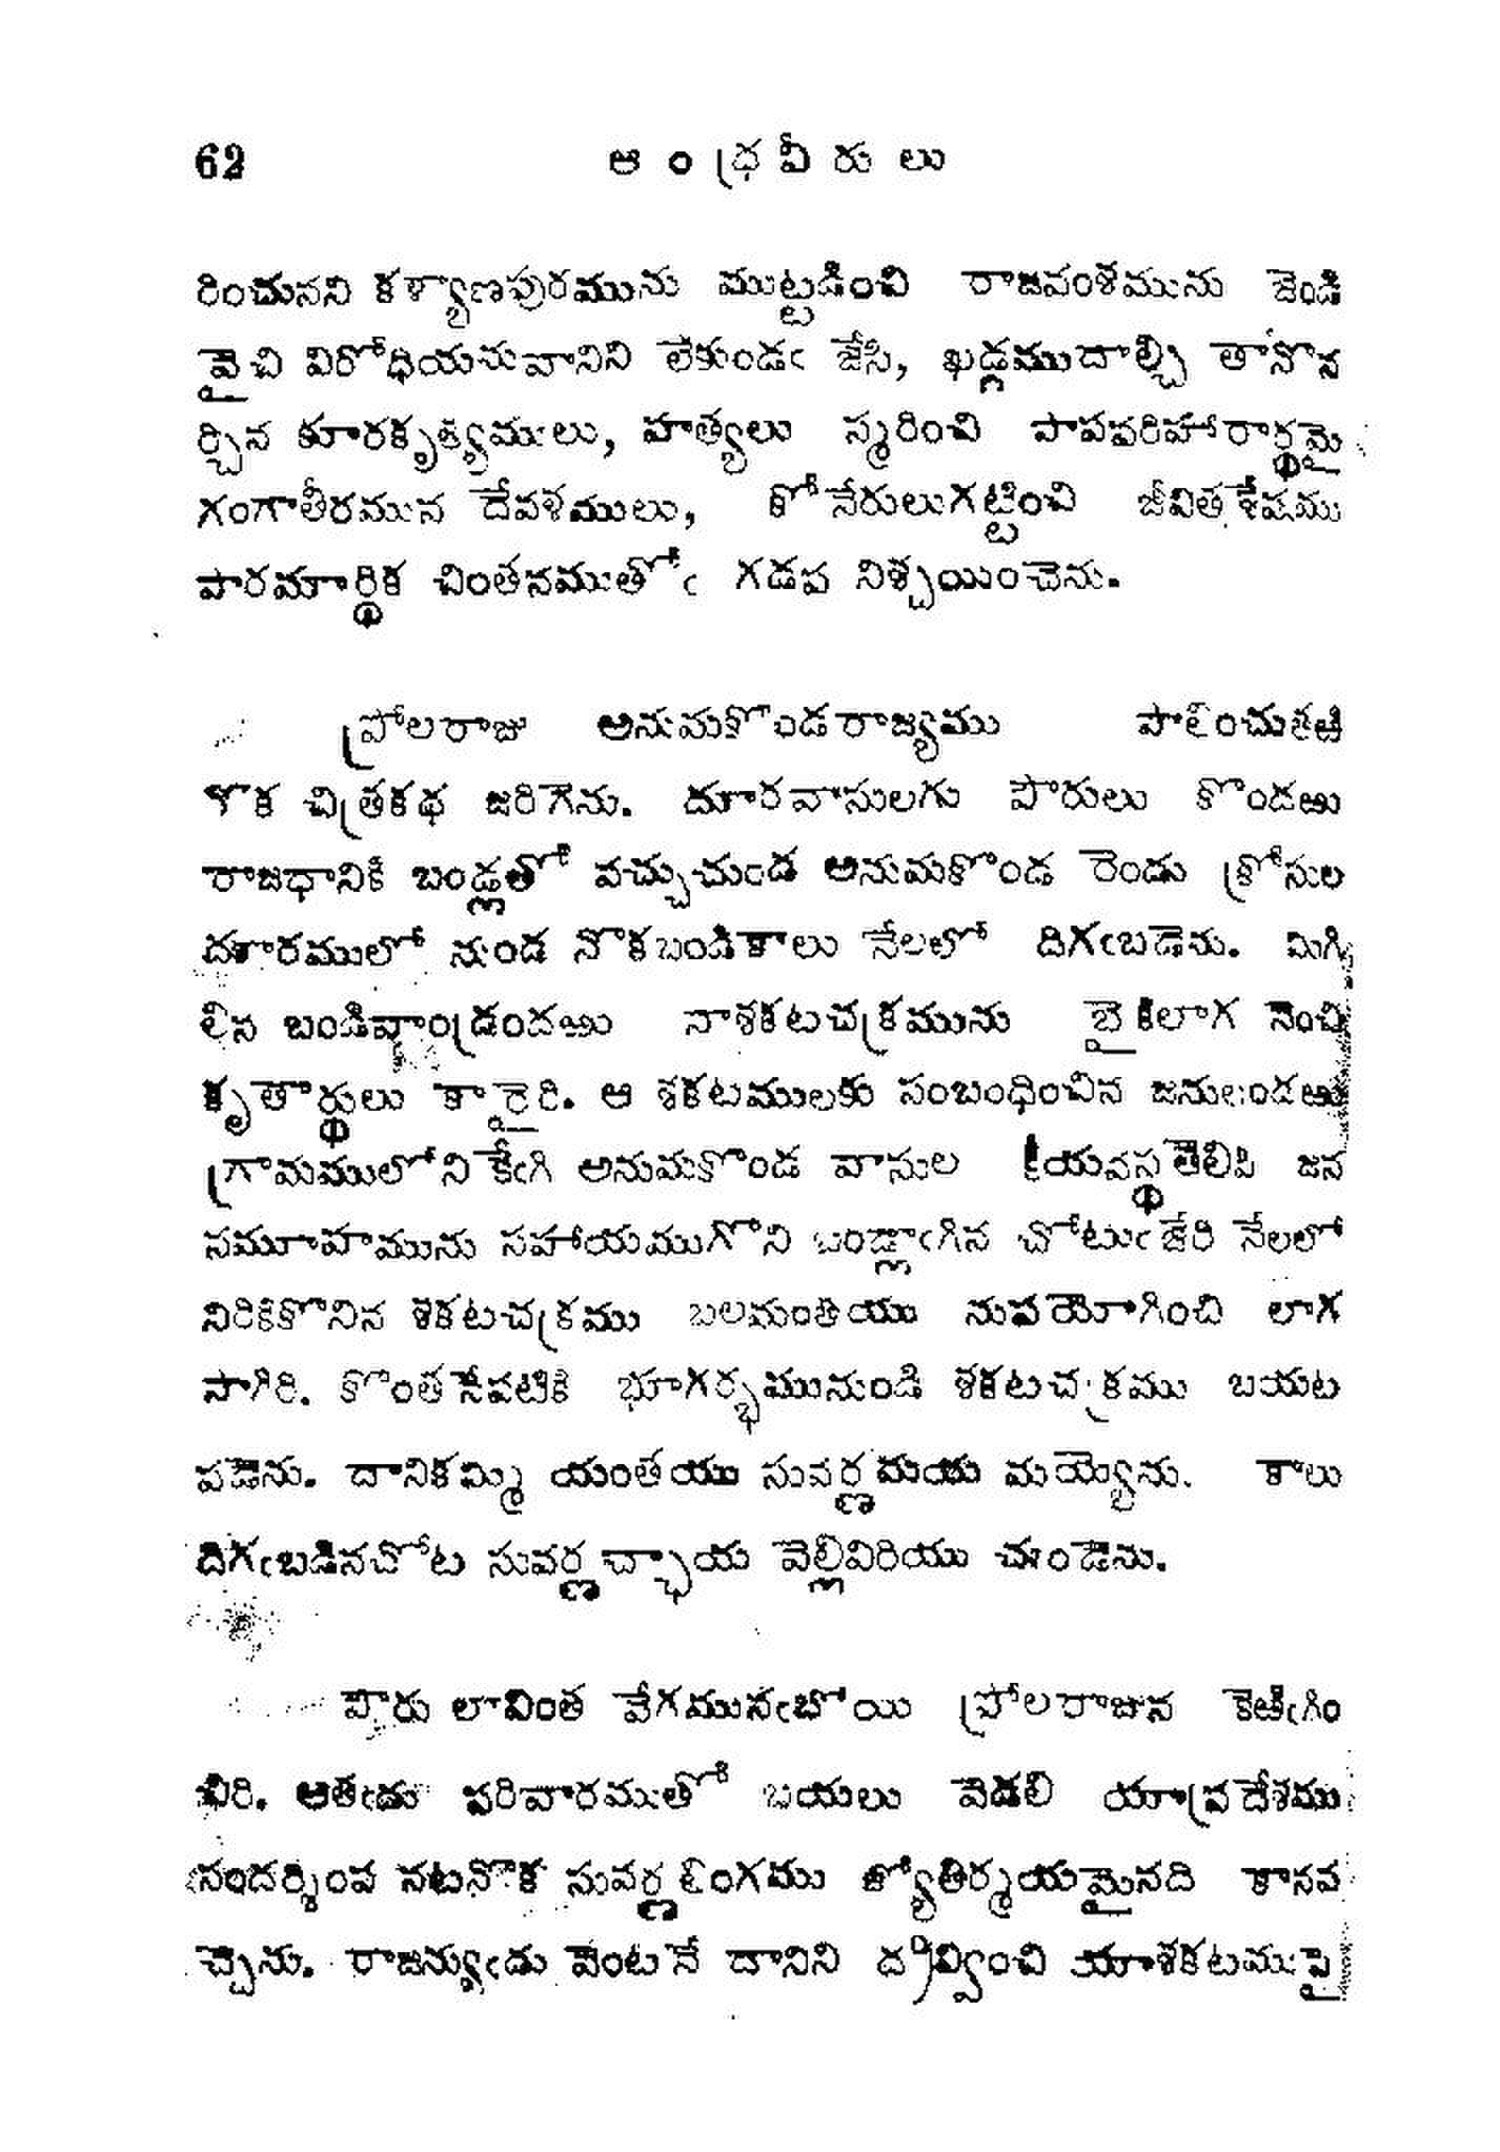రించునని కళ్యాణపురమును ముట్టడించి రాజవంశమును జెండివైచి విరోధియనువానిని లేకుండ జేసి, ఖడ్గముదాల్చి తానొనర్చిన తానొనర్చిన కూరకృత్యములు, హత్యలు స్మరించి పాపపరిహారార్థమై గంగాతీరమున దేవళములు, కోనేరులుగట్టించి జీవితశేషము పారమార్థిక చింతనముతో గడప నిశ్చయించెను.

ప్రోలరాజు అనుమకొండరాజ్యము పాలించుతఱి నొక చిత్రకథ జరిగెను. దూరవాసులగు పౌరులు కొందఱు రాజధానికి బండ్లతో వచ్చుచుండ అనుమకొండ రెండుక్రోసుల దూరములో నుండ నొకబండికాలు నేలలో దిగబడెను. మిగిలిన బండివాండ్రదఱు నాశకటచక్రమును బైకిలాగ నెంచి కృతార్థులు కారైరి. ఆ శకటములకు సంబంధించిన జనులందఱు గ్రామములోనికేగి అనుమకొండ వాసుల కీయవస్థతెలిపి జన సమూహమును సహాయముగొని బండ్లాగిన చోటు జేరి నేలలో నిరికికొనిన శకటచక్రము బలమంతయు నుపయోగించి లాగసాగిరి. కొంతసేపటికి భూగర్భమునుండి శకటచక్రము బయట పడెను. దానికమ్మి యంతయు సువర్ణమయ మయ్యెను. కాలు దిగబడినచోట సువర్ణచ్ఛాయ వెల్లివిరియు చుండెను.

పౌరు లావింత వేగమునబోయి ప్రోలరాజున కెఱిగించిరి. అతడు పరివారముతో బయలు వెడలి యాప్రదేశము సందర్శింప నటనొక సువర్ణలింగము జ్యోతిర్మయమైనది కానవచ్చెను. రాజన్యుడు వెంటనే దానిని ద్రవ్వించి యాశకటముపై